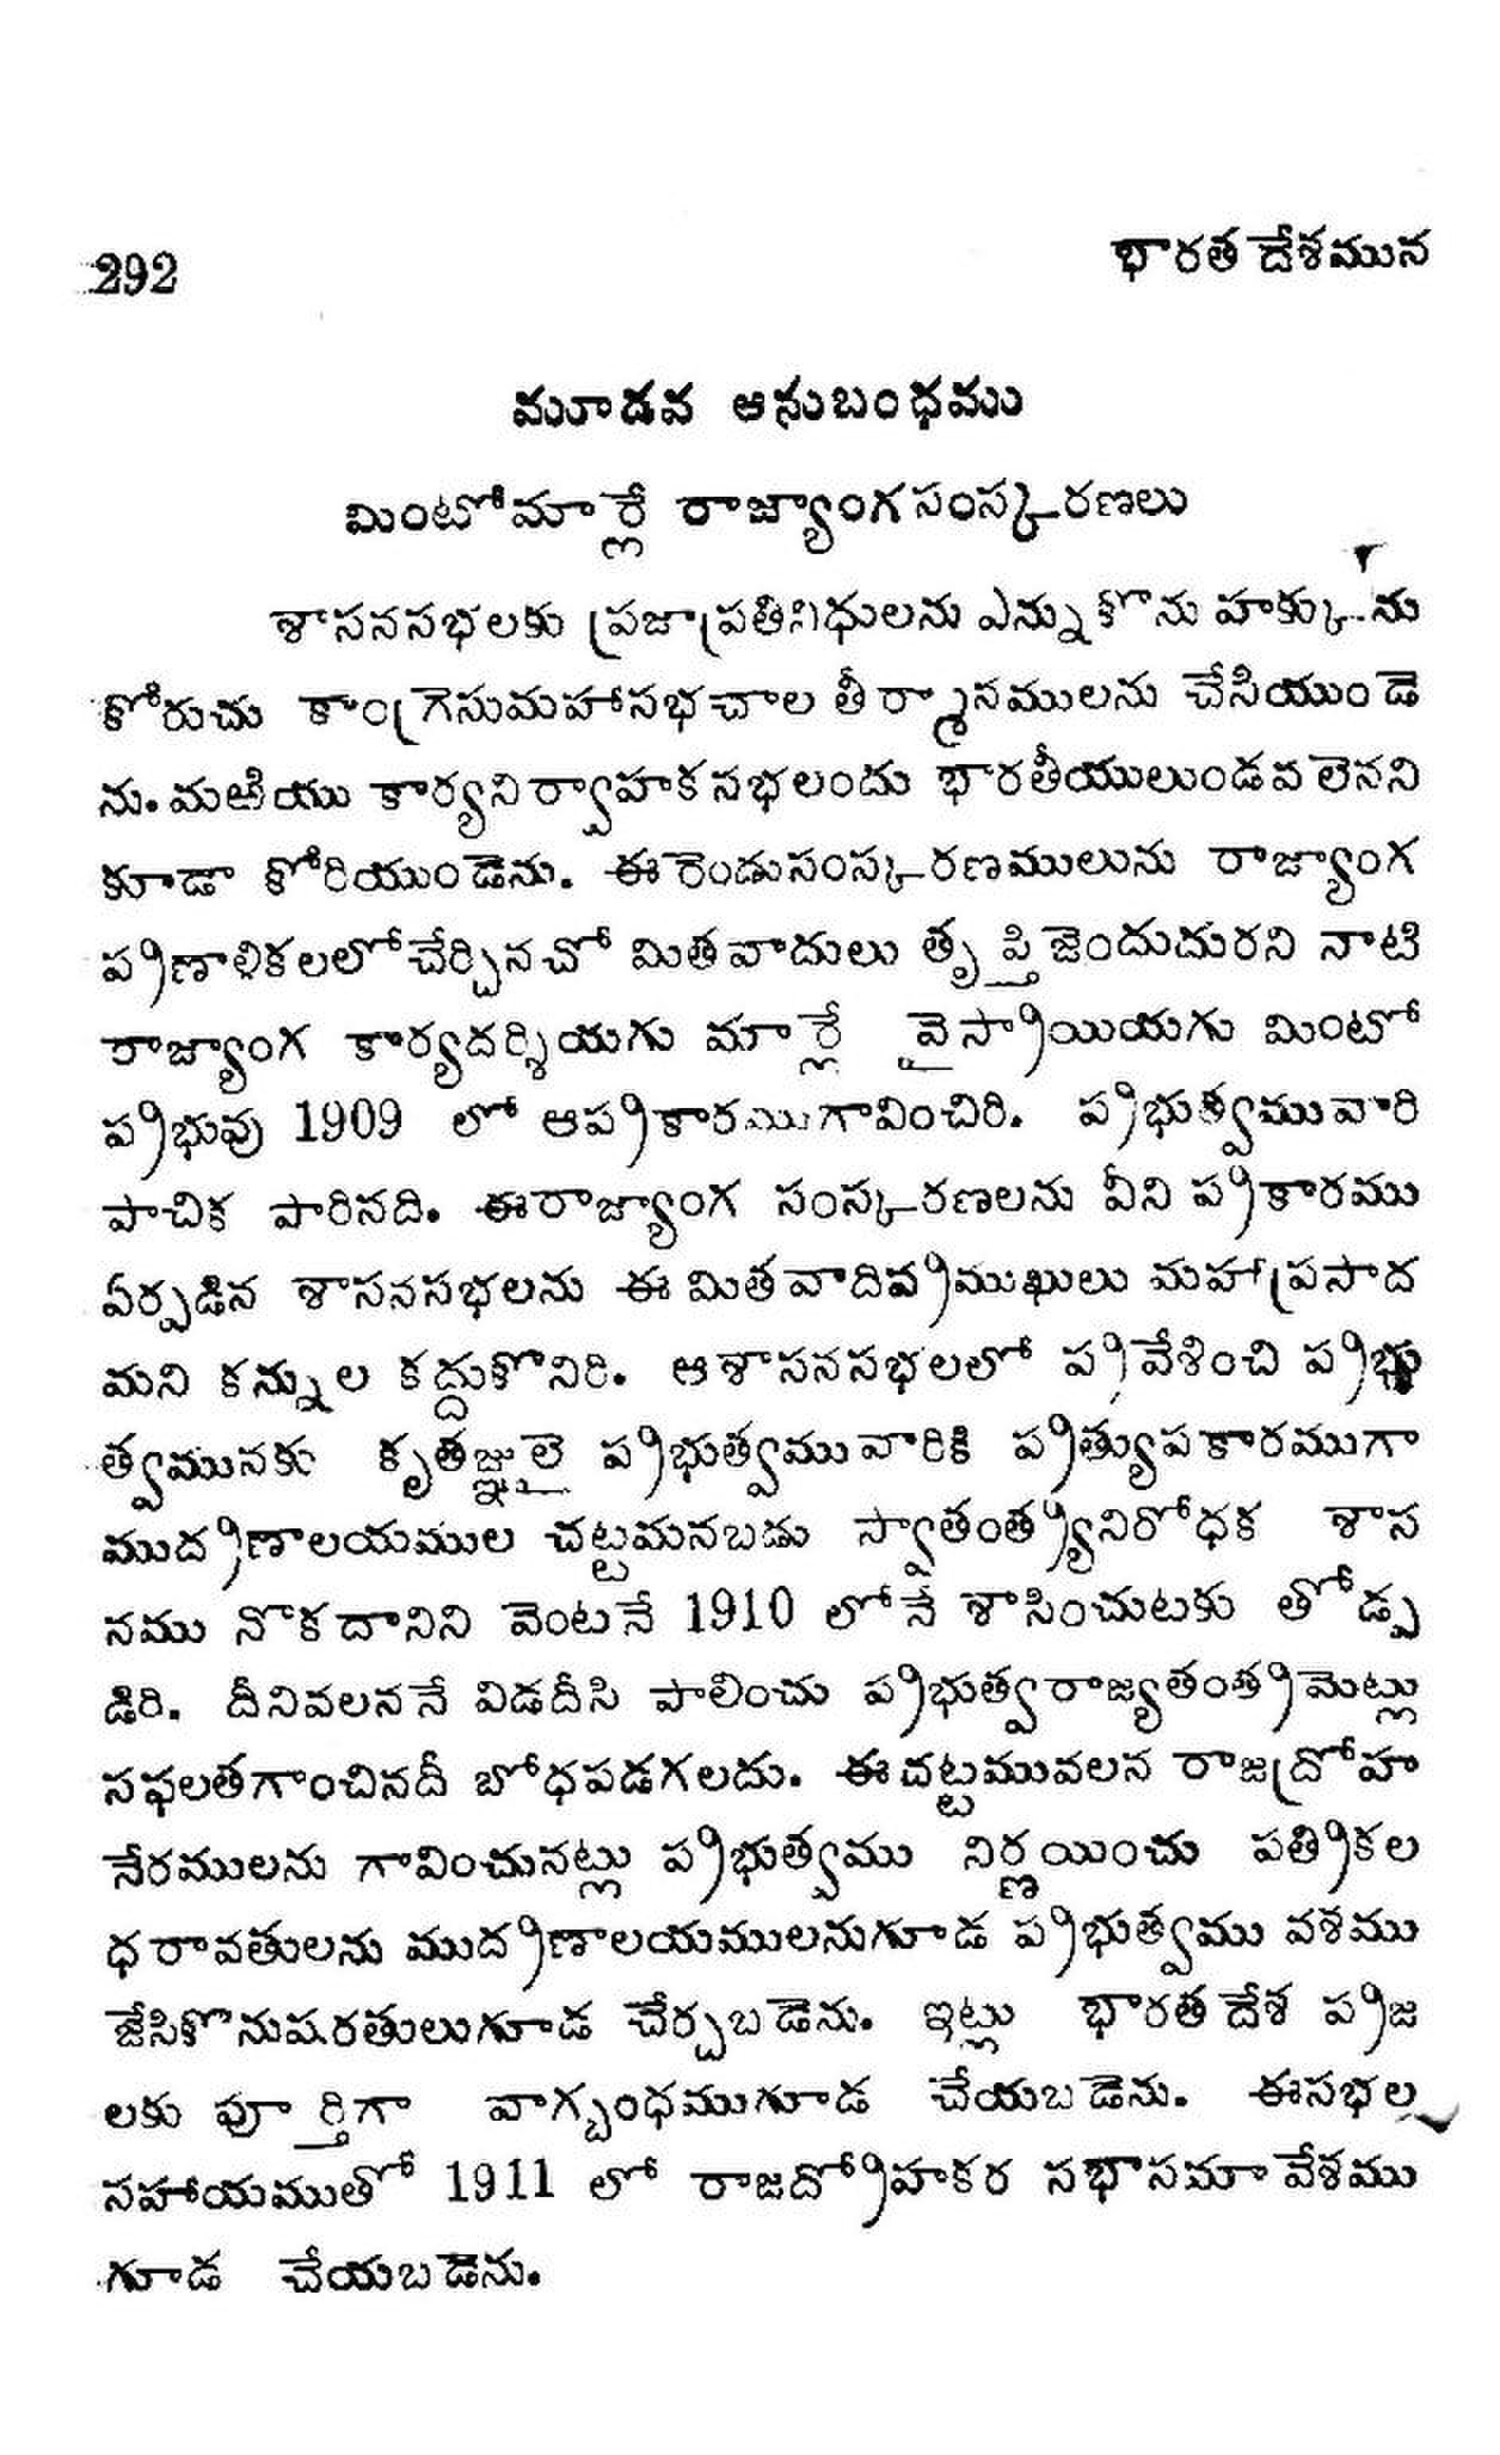మూడవ ఆనుబంధము 
మింటోమార్లే రాజ్యాంగసంస్కరణలు 

శాసనసభలకు ప్రజాప్రతినిధులను ఎన్నుకొను హక్కును కోరుచు కాంగ్రెసుమహాసభచాల తీర్మానములను చేసియుండెను. మఱియు కార్యనిర్వాహక సభలందు భారతీయులుండవలెనని కూడా కోరియుండెను. ఈరెండుసంస్కరణములును రాజ్యాంగ ప్రణాళికలలోచేర్చినచో మితవాదులు తృప్తిజెందుదురని నాటి రాజ్యాంగ కార్యదర్శియగు మార్లే వైస్రాయియగు మింటో ప్రభువు 1909 లో ఆప్రకారముగావించిరి. ప్రభుత్వమువారి పాచిక పారినది. ఈరాజ్యాంగ సంస్కరణలను వీని ప్రకారము ఏర్పడిన శాసనసభలను ఈ మితవాదిప్రముఖులు మహాప్రసాద మని కన్నుల కద్దుకొనిరి. ఆ శాసనసభలలో ప్రవేశించి ప్రభుత్వమునకు కృతజ్ఞులై ప్రభుత్వము వారికి ప్రత్యుపకారముగా ముద్రణాలయముల చట్టమనబడు స్వాతంత్ర్యనిరోధక శాసనము నొకదానిని వెంటనే 1910 లోనే శాసించుటకు తోడ్పడిరి. దీనివలననే విడదీసి పాలించు ప్రభుత్వరాజ్యతంత్రమెట్లు సఫలతగాంచినదీ బోధపడగలదు. ఈ చట్టమువలన రాజద్రోహ
నేరములను గావించునట్లు ప్రభుత్వము నిర్ణయించు పత్రికల ధరావతులను ముద్రణాలయములనుగూడ ప్రభుత్వము వశము జేసికొనుషరతులుగూడ చేర్చబడెను. ఇట్లు భారతదేశ ప్రజలకు పూర్తిగా వాగ్బంధముగూడ చేయబడెను. ఈసభల సహాయముతో 1911 లో రాజద్రోహకర సభాసమావేశము గూడ చేయబడెను.